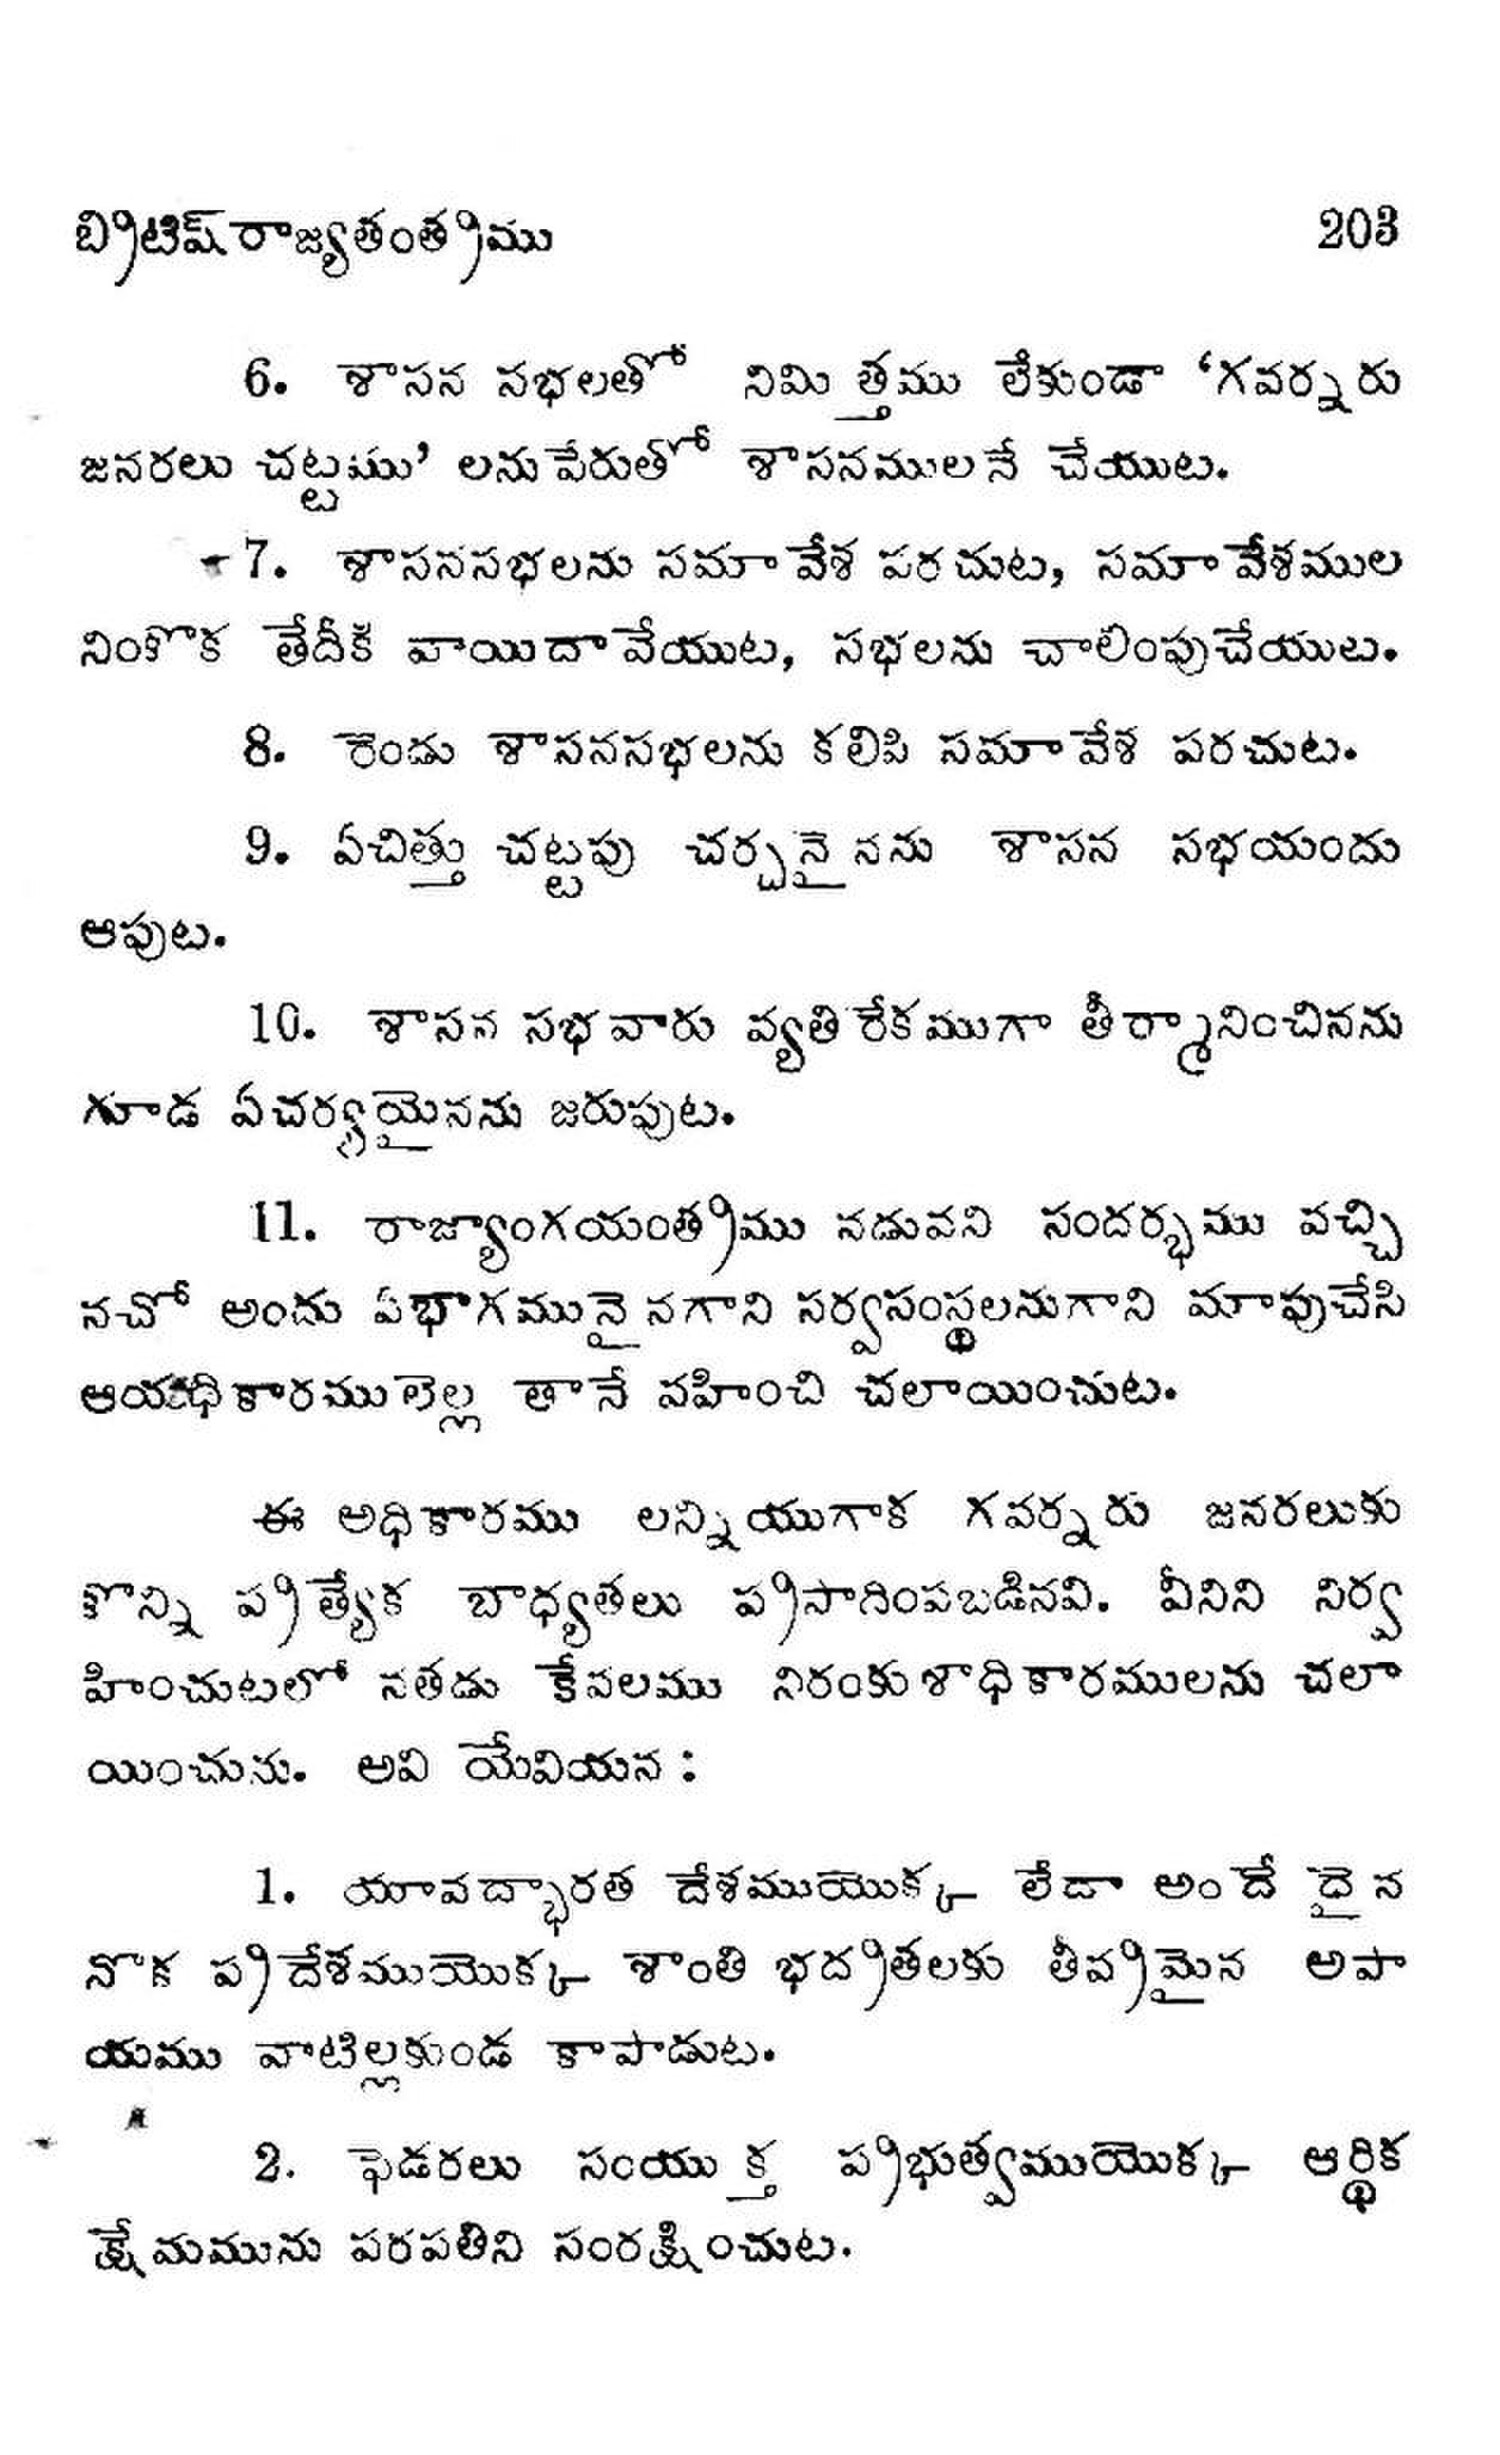6. శాసన సభలతో నిమిత్తము లేకుండా 'గవర్నరు జనరలు చట్టము' లనుపేరుతో శాసనములనే చేయుట.

7. శాసనసభలను సమావేశ పరచుట, సమావేశముల నింకొక తేదీకి వాయిదావేయుట, సభలను చాలింపు చేయుట.

8. రెండు శాసనసభలను కలిపి సమావేశ పరచుట.

9. ఏచిత్తు చట్టపు చర్చనైనను శాసన సభయందు ఆపుట.

10. శాసన సభవారు వ్యతిరేకముగా తీర్మానించినను గూడ ఏచర్యయైనను జరుపుట.

11. రాజ్యాంగయంత్రము నడువని సందర్భము వచ్చినచో అందు ఏ భాగమునైనగాని సర్వసంస్థలనుగాని మాపుచేసి ఆయధికారములెల్ల తానే వహించి చలాయించుట.

ఈ అధికారము లన్నియుగాక గవర్నరు జనరలుకు కొన్ని ప్రత్యేక బాధ్యతలు ప్రసాదింపబడినవి. వీనిని నిర్వహించుటలో నతడు కేవలము నిరంకుశాధికారములను చలాయించును. అవి యేవియన :

1. యావద్భారత దేశముయొక్క లేదా అందే దైన నొక ప్రదేశముయొక్క శాంతి భద్రతలకు తీవ్రమైన అపాయము వాటిల్లకుండ కాపాడుట.

2. ఫెడరలు సంయుక్త ప్రభుత్వముయొక్క ఆర్థిక క్షేమమును పరపతిని సంరక్షించుట.